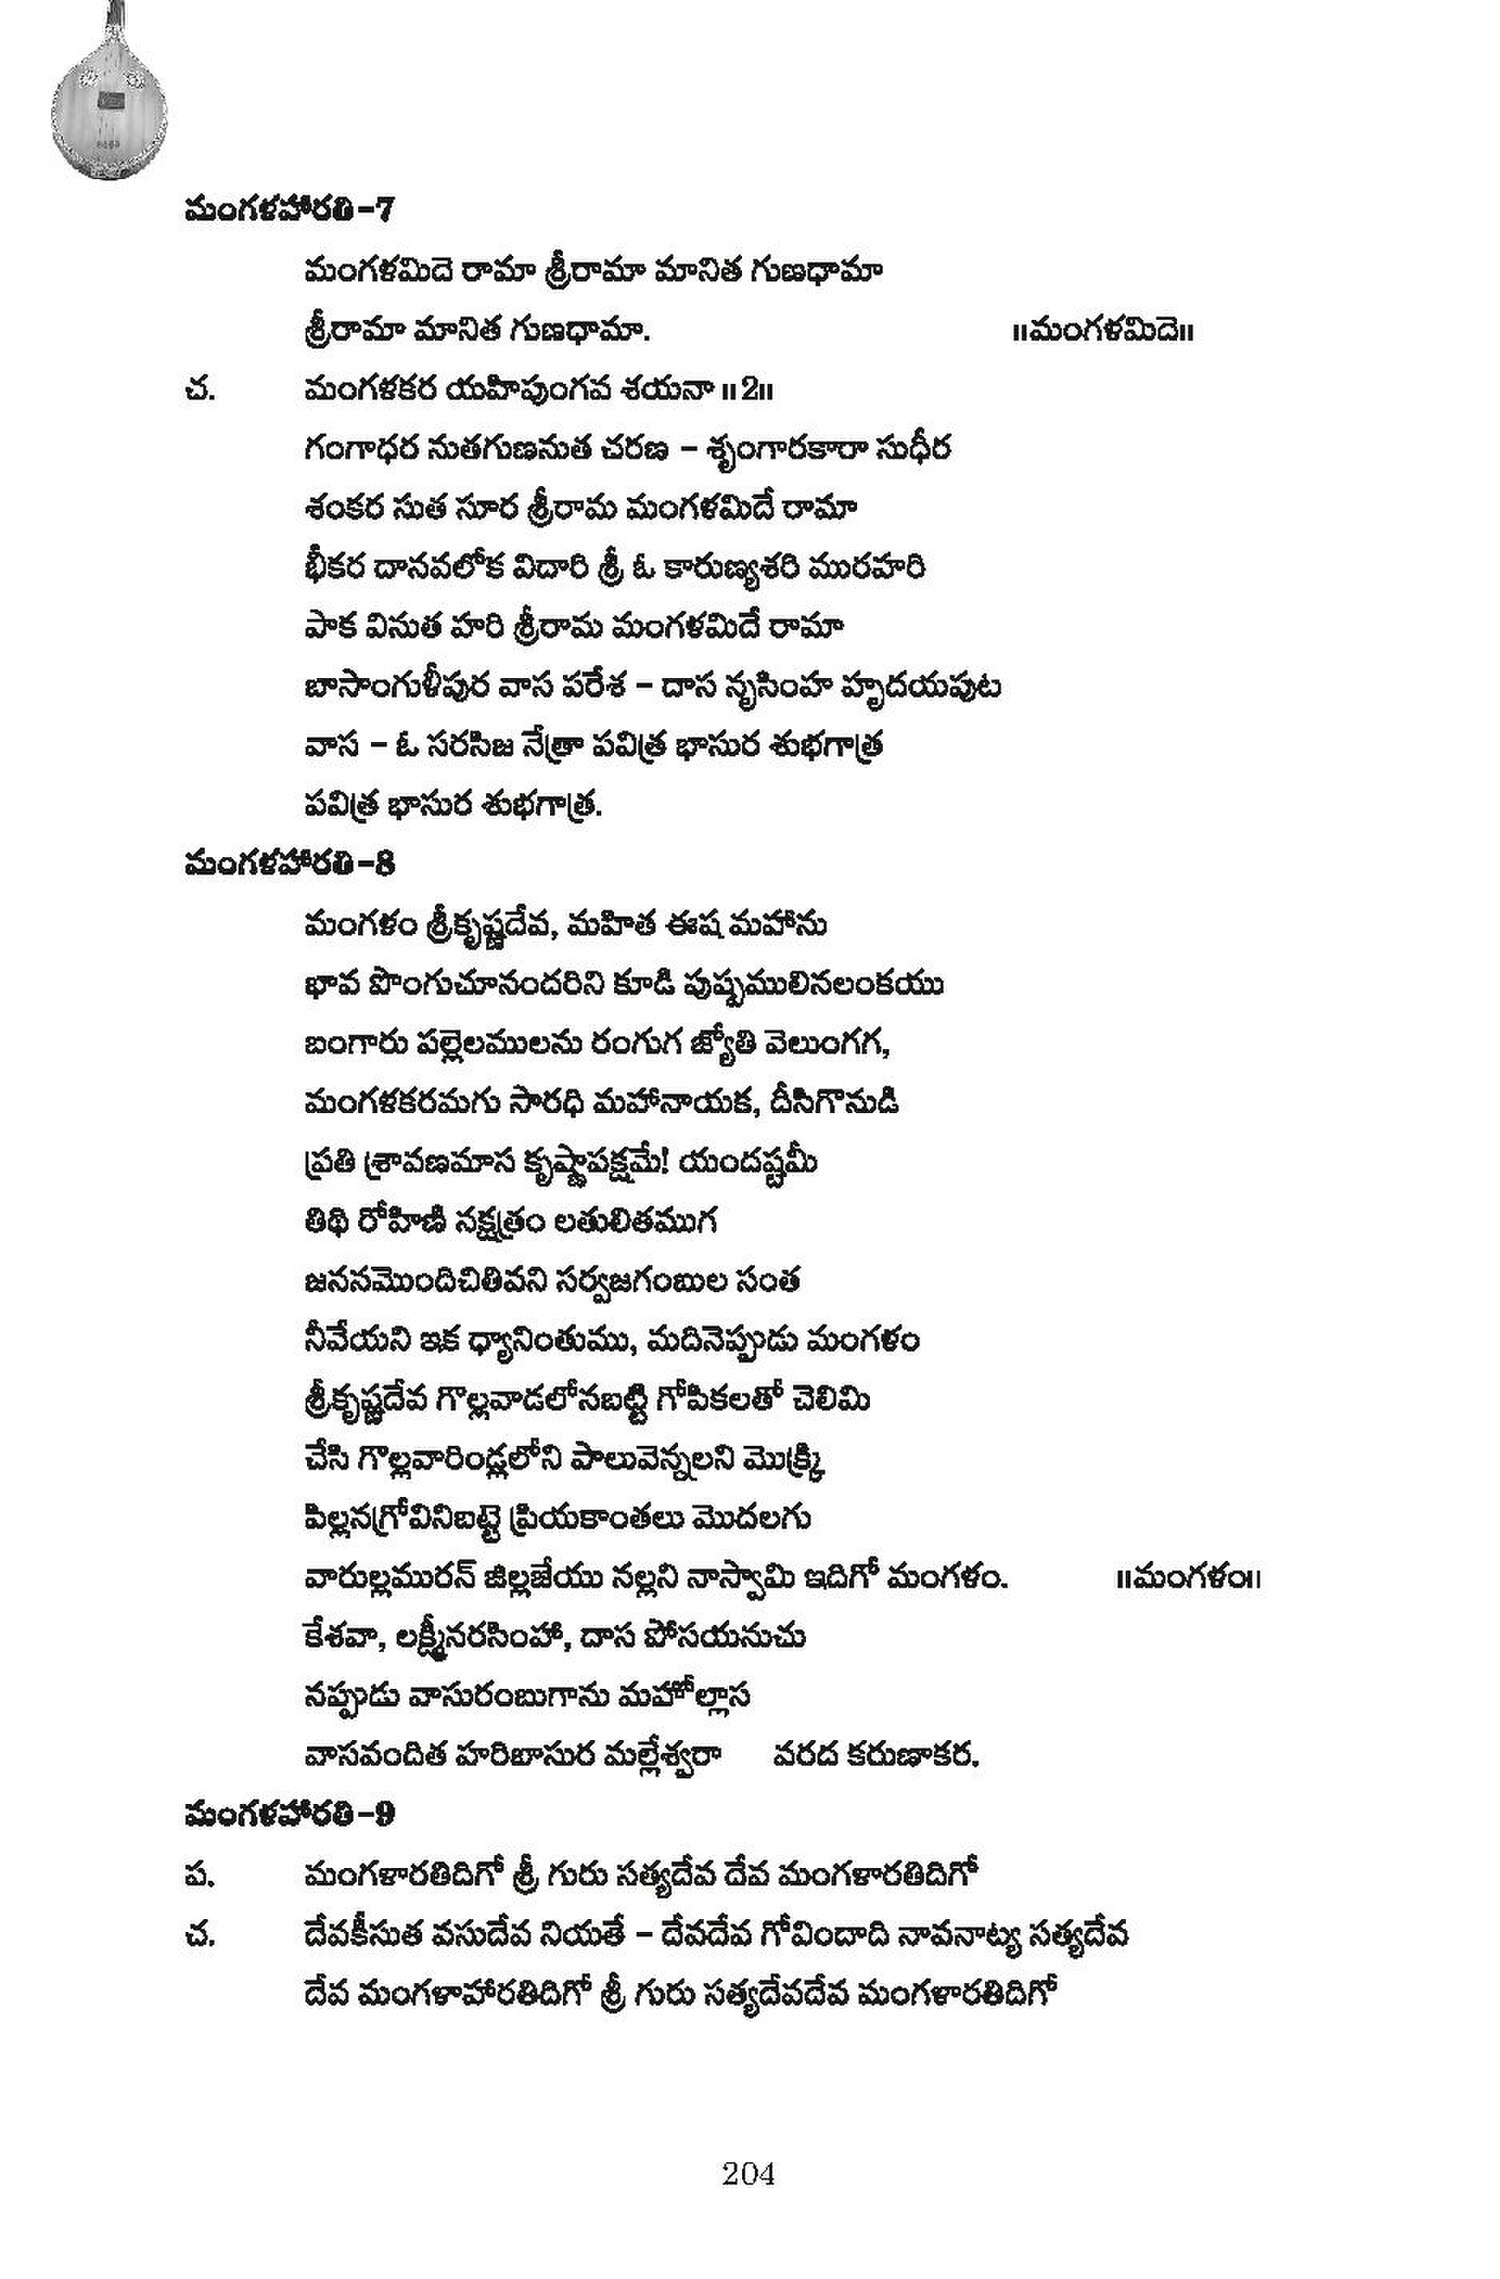మంగళహారతి-7

మంగళమిదె రామా శ్రీరామా మానిత గుణధామా
శ్రీరామా మానిత గుణధామా.౹౹మంగళమిదె ౹౹

చ. మంగళకర యహిపుంగవ శయనా ॥ 2॥
గంగాధర నుతగుణనుత చరణ - శృంగారకారా సుధీర
శంకర సుత సూర శ్రీరామ మంగళమిదే రామా
భీకర దానవలోక విదారి శ్రీ ఓ కారుణ్యశరి మురహరి
పాక వినుత హరి శ్రీరామ మంగళమిదే రామా
బాసాంగుళీపుర వాస పరేశ - దాస నృసింహ హృదయపుట
వాస - ఓ సరసిజ నేత్రా పవిత్ర భాసుర శుభగాత్ర
పవిత్ర భాసుర శుభగాత్ర.

మంగళహారతి-8

మంగళం శ్రీకృష్ణదేవ, మహిత ఈష మహాను
భావ పొంగుచూనందరిని కూడి పుష్పములినలంకయు
బంగారు పల్లెలములను రంగుగ జ్యోతి వెలుంగగ,
మంగళకరమగు సారధి మహానాయక, దీసిగొనుడి
ప్రతి శ్రావణమాస కృష్ణాపక్షమే! యందష్టమీ
తిథి రోహిణి నక్షత్రం లతులితముగ
జననమొందిచితివని సర్వజగంబుల సంత
నీవేయని ఇక ధ్యానింతుము, మదినెప్పుడు మంగళం
శ్రీకృష్ణదేవ గొల్లవాడలోనబట్టి గోపికలతో చెలిమి
చేసి గొల్లవారిండ్లలోని పాలువెన్నలని మొక్రి
పిల్లనగ్రోవినిబట్టె ప్రియకాంతలు మొదలగు
వారుల్లమురన్ జిల్లజేయు నల్లని నాస్వామి ఇదిగో మంగళం.౹౹మంగళం౹౹ 
కేశవా, లక్ష్మీనరసింహా, దాస పోసయనుచు
నప్పుడు వాసురంబుగాను మహోల్లాస
వాసవందిత హరిబాసుర మల్లేశ్వరా వరద కరుణాకర.

మంగళహారతి -9

ప. మంగళారతిదిగో శ్రీ గురు సత్యదేవ దేవ మంగళారతిదిగో

చ. దేవకీసుత వసుదేవ నియతే - దేవదేవ గోవిందాది నావనాట్య సత్యదేవ
దేవ మంగళాహారతిదిగో శ్రీ గురు సత్యదేవదేవ మంగళారతిదిగో